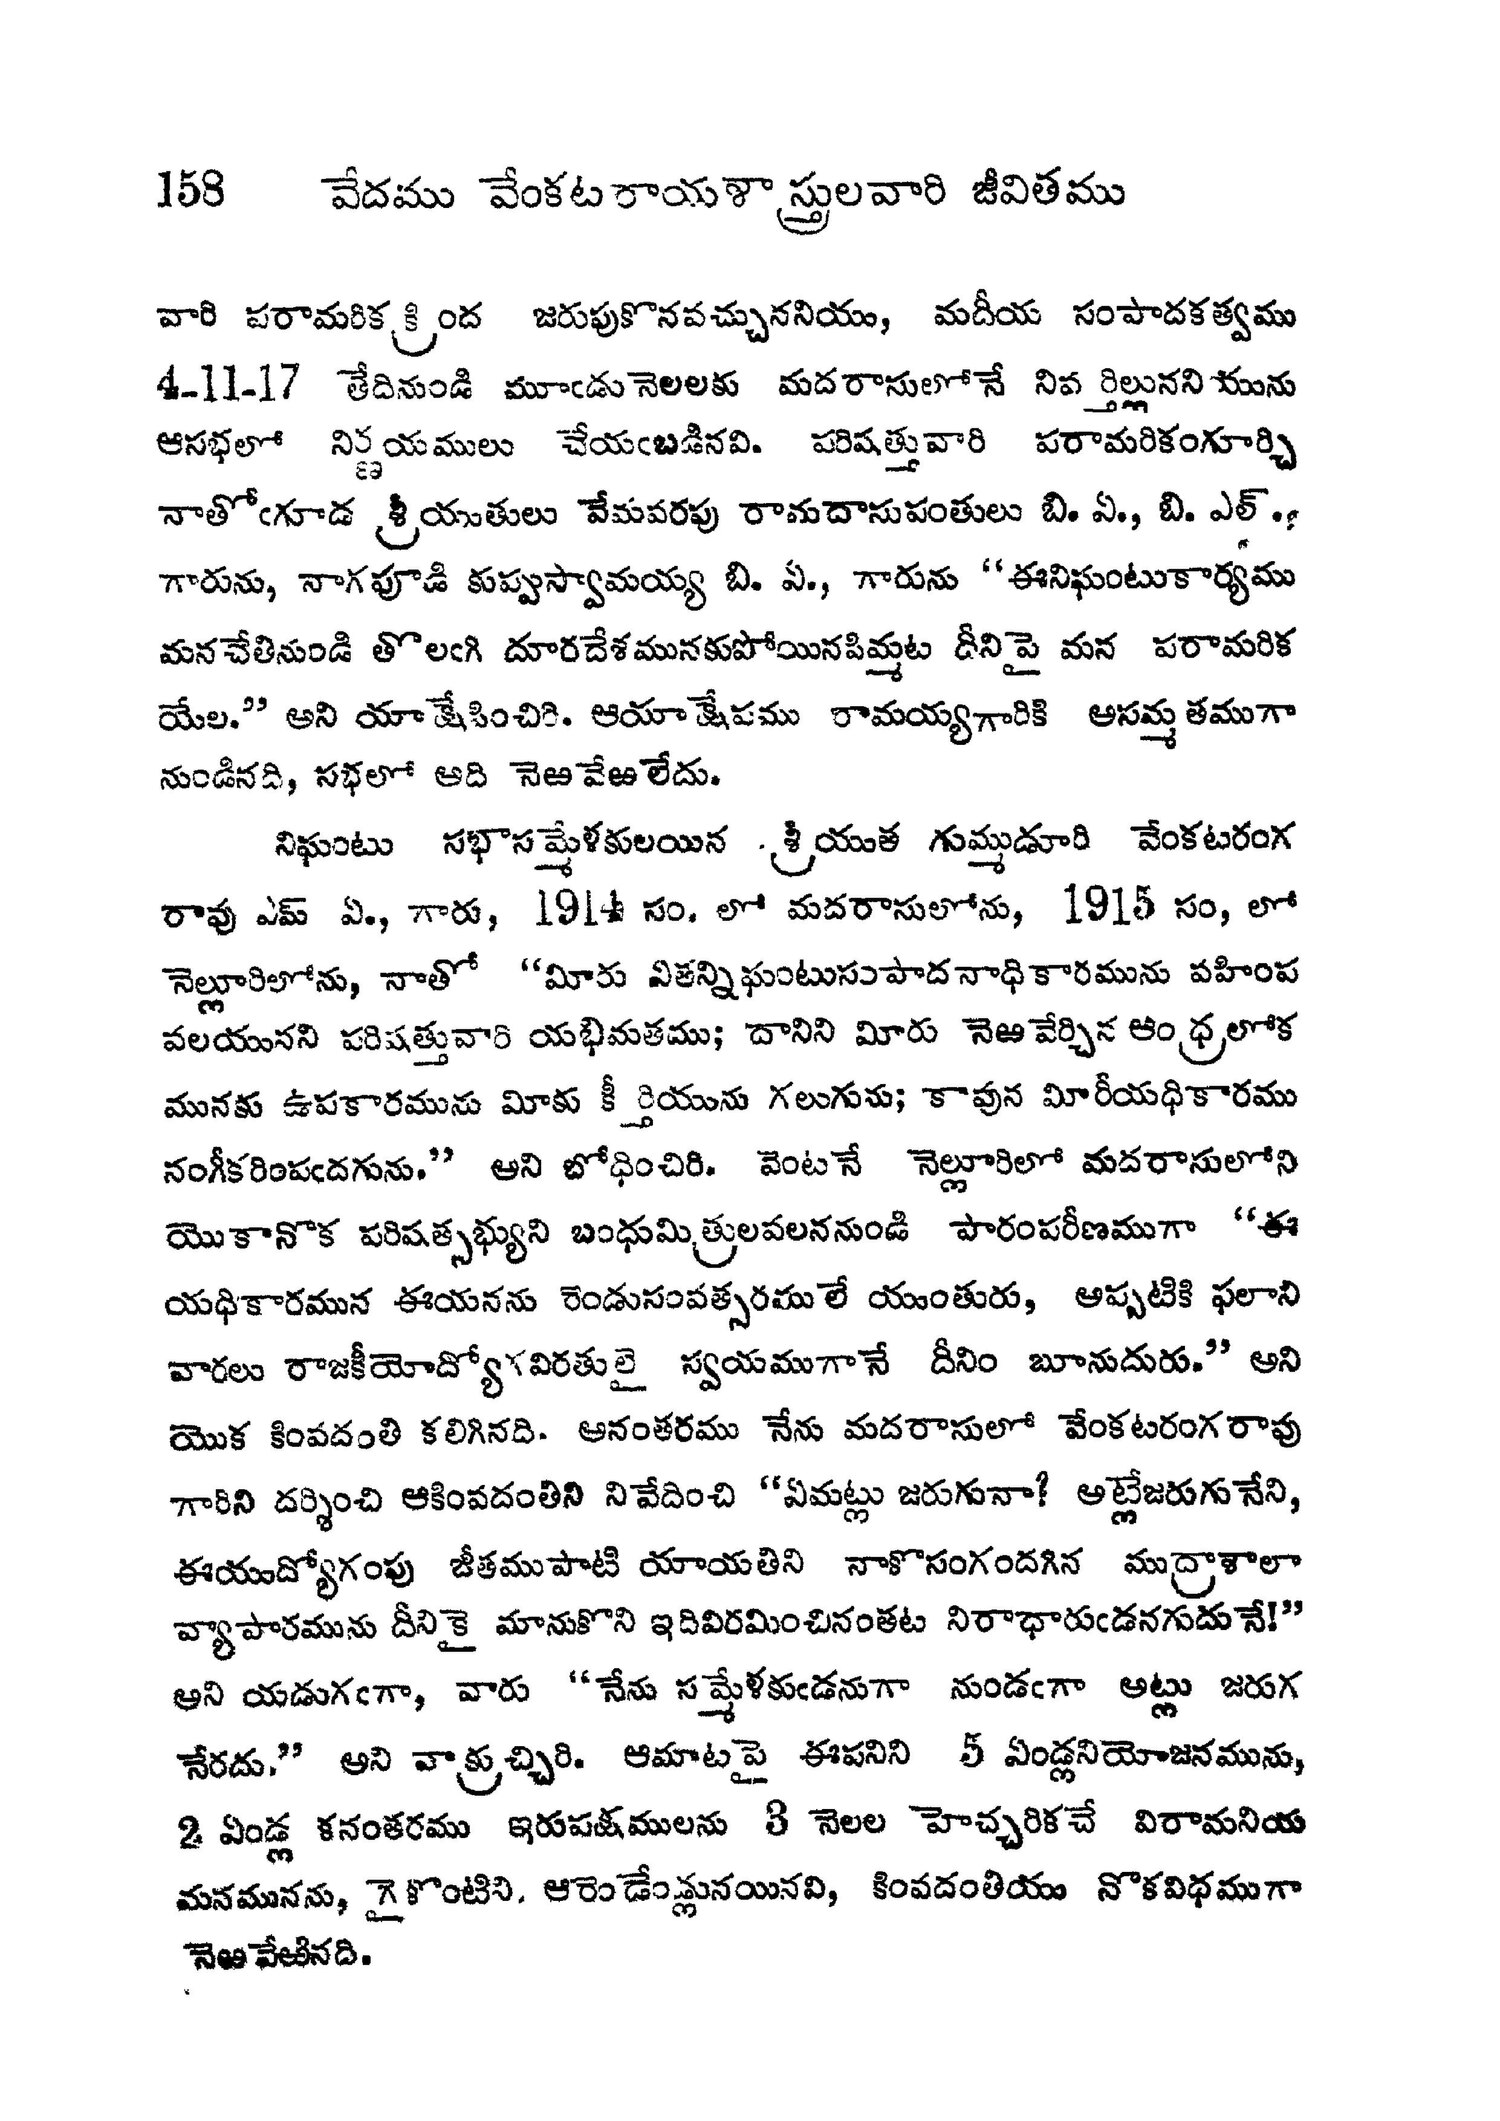వారి పరామరిక్రింద జరుపుకొనవచ్చుననియు, మదీయ సంపాదకత్వము 4-11-17 తేదినుండి మూడునెలలకు మదరాసులోనే నివర్తిల్లుననియును ఆసభలో నిర్ణయములు చేయబడినవి. పరిషత్తువారి పరామరికంగూర్చి నాతోగూడ శ్రీయుతులు వేమవరపు రామదాసుపంతులు బి.ఏ., బి.ఎల్., గారును, నాగపూడి కుప్పుస్వామయ్య బి.ఏ., గారును "ఈనిఘంటుకార్యము మనచేతినుండి తొలగి దూరదేశమునకు పోయినపిమ్మట దీనిపై మన పరామరిక యేల." అని యాక్షేపించిరి. ఆయాక్షేపము రామయ్యగారికి అసమ్మతుముగా నుండినది, సభలో అది నెఱవేఱలేదు.

నిఘంటు సభాసమ్మేళకులయిన శ్రీయుత గుమ్ముడూరి వేంకటరంగరావు ఎం.ఏ., గారు, 1914 సం. లో మదరాసులోను, 1915 సం. లో నెల్లూరిలోను, నాతో "మీరు ఏతన్నిఘంటుసంపాదనాధికారమును వహింపవలయునని పరిషత్తువారి యభిమతము; దానిని మీరు నెఱవేర్చిన ఆంధ్రలోకమునకు ఉపకారమును మీకు కీర్తియును గలుగును; కావున మీరీయధికారము నంగీకరింపదగును." అని బోధించిరి. వెంటనే నెల్లూరిలో మదరాసులోని యొకానొక పరిషత్సభ్యుని బంధుమిత్రుల వలననుండి పారంపరీణముగా "ఈ యధికారమున ఈయనను రెండుసంవత్సరములే యుంతురు, అప్పటికి ఫలాని వారలు రాజకీయోద్యోగ విరతులై స్వయముగానే దీనిం బూనుదురు." అని యొక కింవదంతి కలిగినది. అనంతరము నేను మదరాసులో వేంకటరంగారావు గారిని దర్శించి ఆకింవదంతిని నివేదించి "ఏమట్లు జరుగునా? అట్లేజరుగునేని, ఈయుద్యోగంపు జీతముపాటి యాయతిని నాకొసంగందగిన ముద్రాశాలా వ్యాపారమును దీనికై మానుకొని ఇదివిరమించినంతట నిరాధారుడనగుదునే!" అని యడుగగా, వారు "నేను సమ్మేళకుడనుగా నుండగా అట్లు జరుగనేరదు." అని వాక్రుచ్చిరి. ఆమాటపై ఈపనిని 5 ఏండ్లనియోజనమును, 2 ఏండ్ల కనంతరము ఇరుపక్షములను 3 నెలల హెచ్చరికచే విరామనియమనమునను, గైకొంటిని. ఆరెండేండ్లునయినవి, కింవదంతియు నొకవిధముగా నెఱవేఱినది.